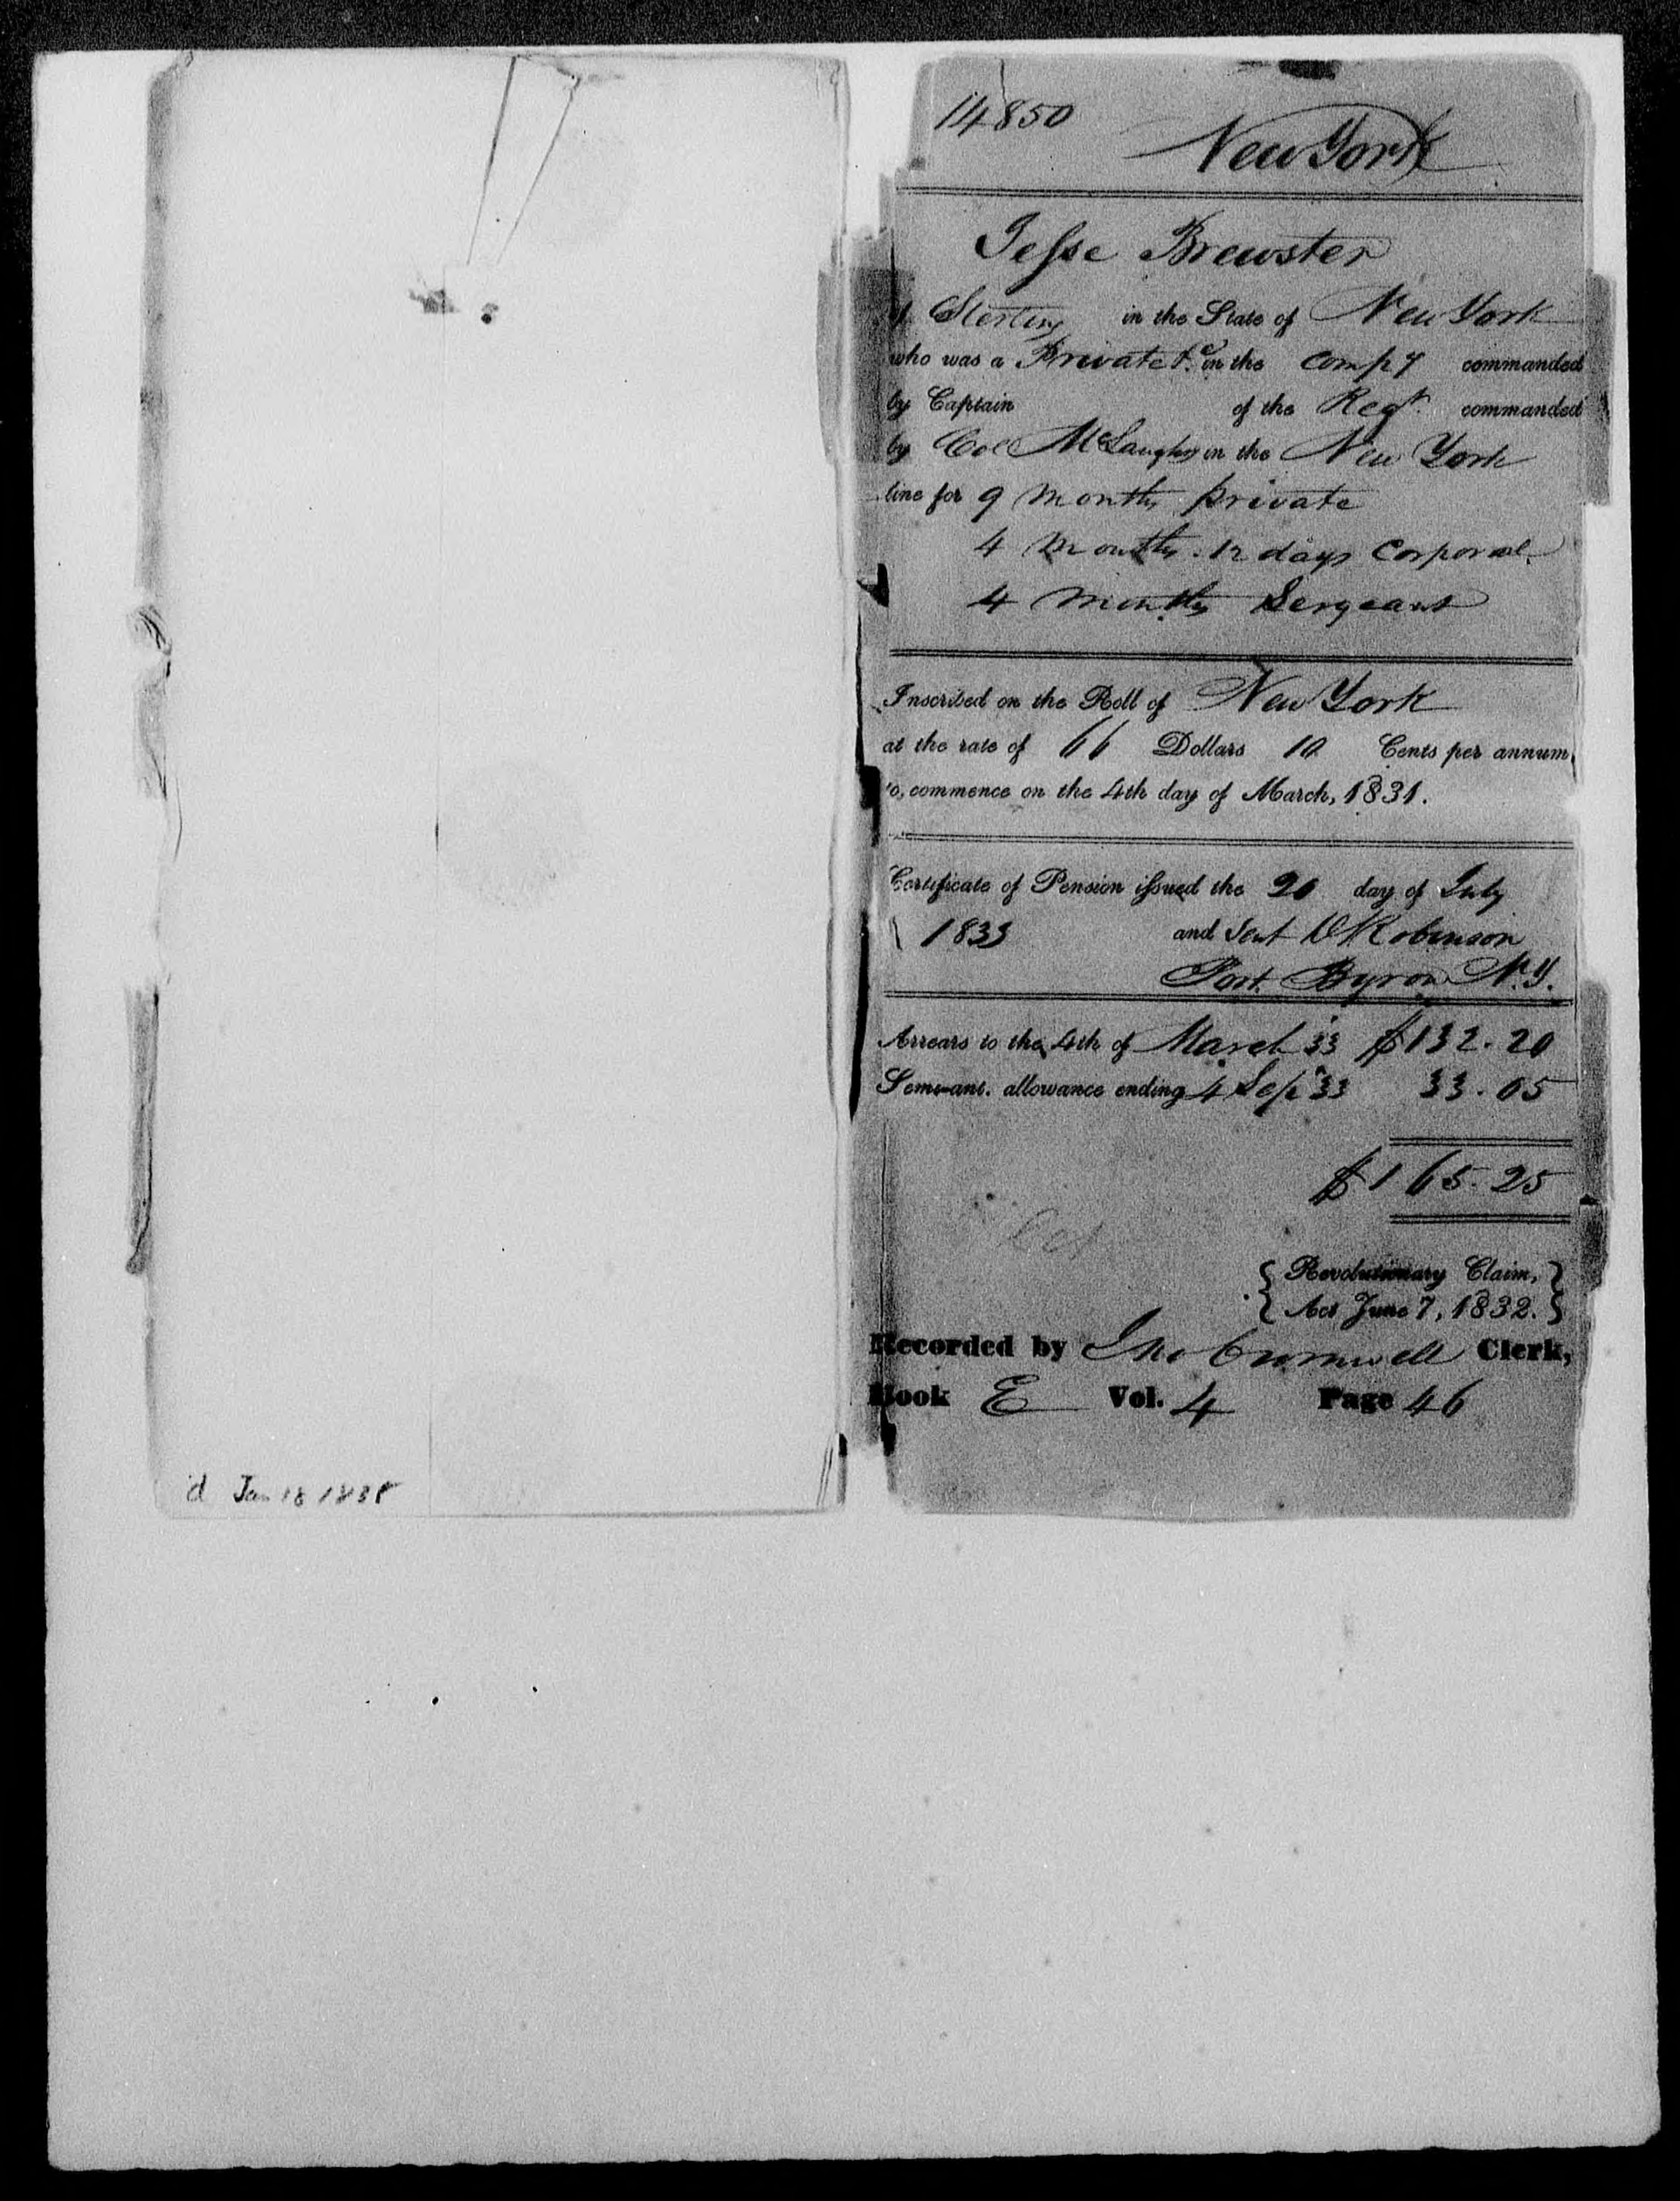14850  New York
Jesse Brewster
Of Sterling in the state of New York who wa a private in the compy commanded by Captain  of the Regt commanded by Col McLaughlin in the New York line for 9 months private 4 months, 12 days corporal, 4 months Sergeant
Inscribed on the roll of New York at the rate of 66 dollars 10 cents per annum to commende on the 4th day of March, 1831.
Certificate of Pension issued the 20 day of July 1835 and sent D Robinson Fort Byron N.Y.
Arrears to the 4th of March 33'          $132.20
Semi-an. allowance ending 4 Sep 33'    33.05
                                     (total)               $165.25
 Revolutionary claim Act June 7, 1832
Recorded by Jno Cromwell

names: Jesse Brewster, Robinson, Jno Cromwell, Mc Lauglin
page: 2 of 26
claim: survivor's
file: S. 12,291, Jesse Brewster, New York